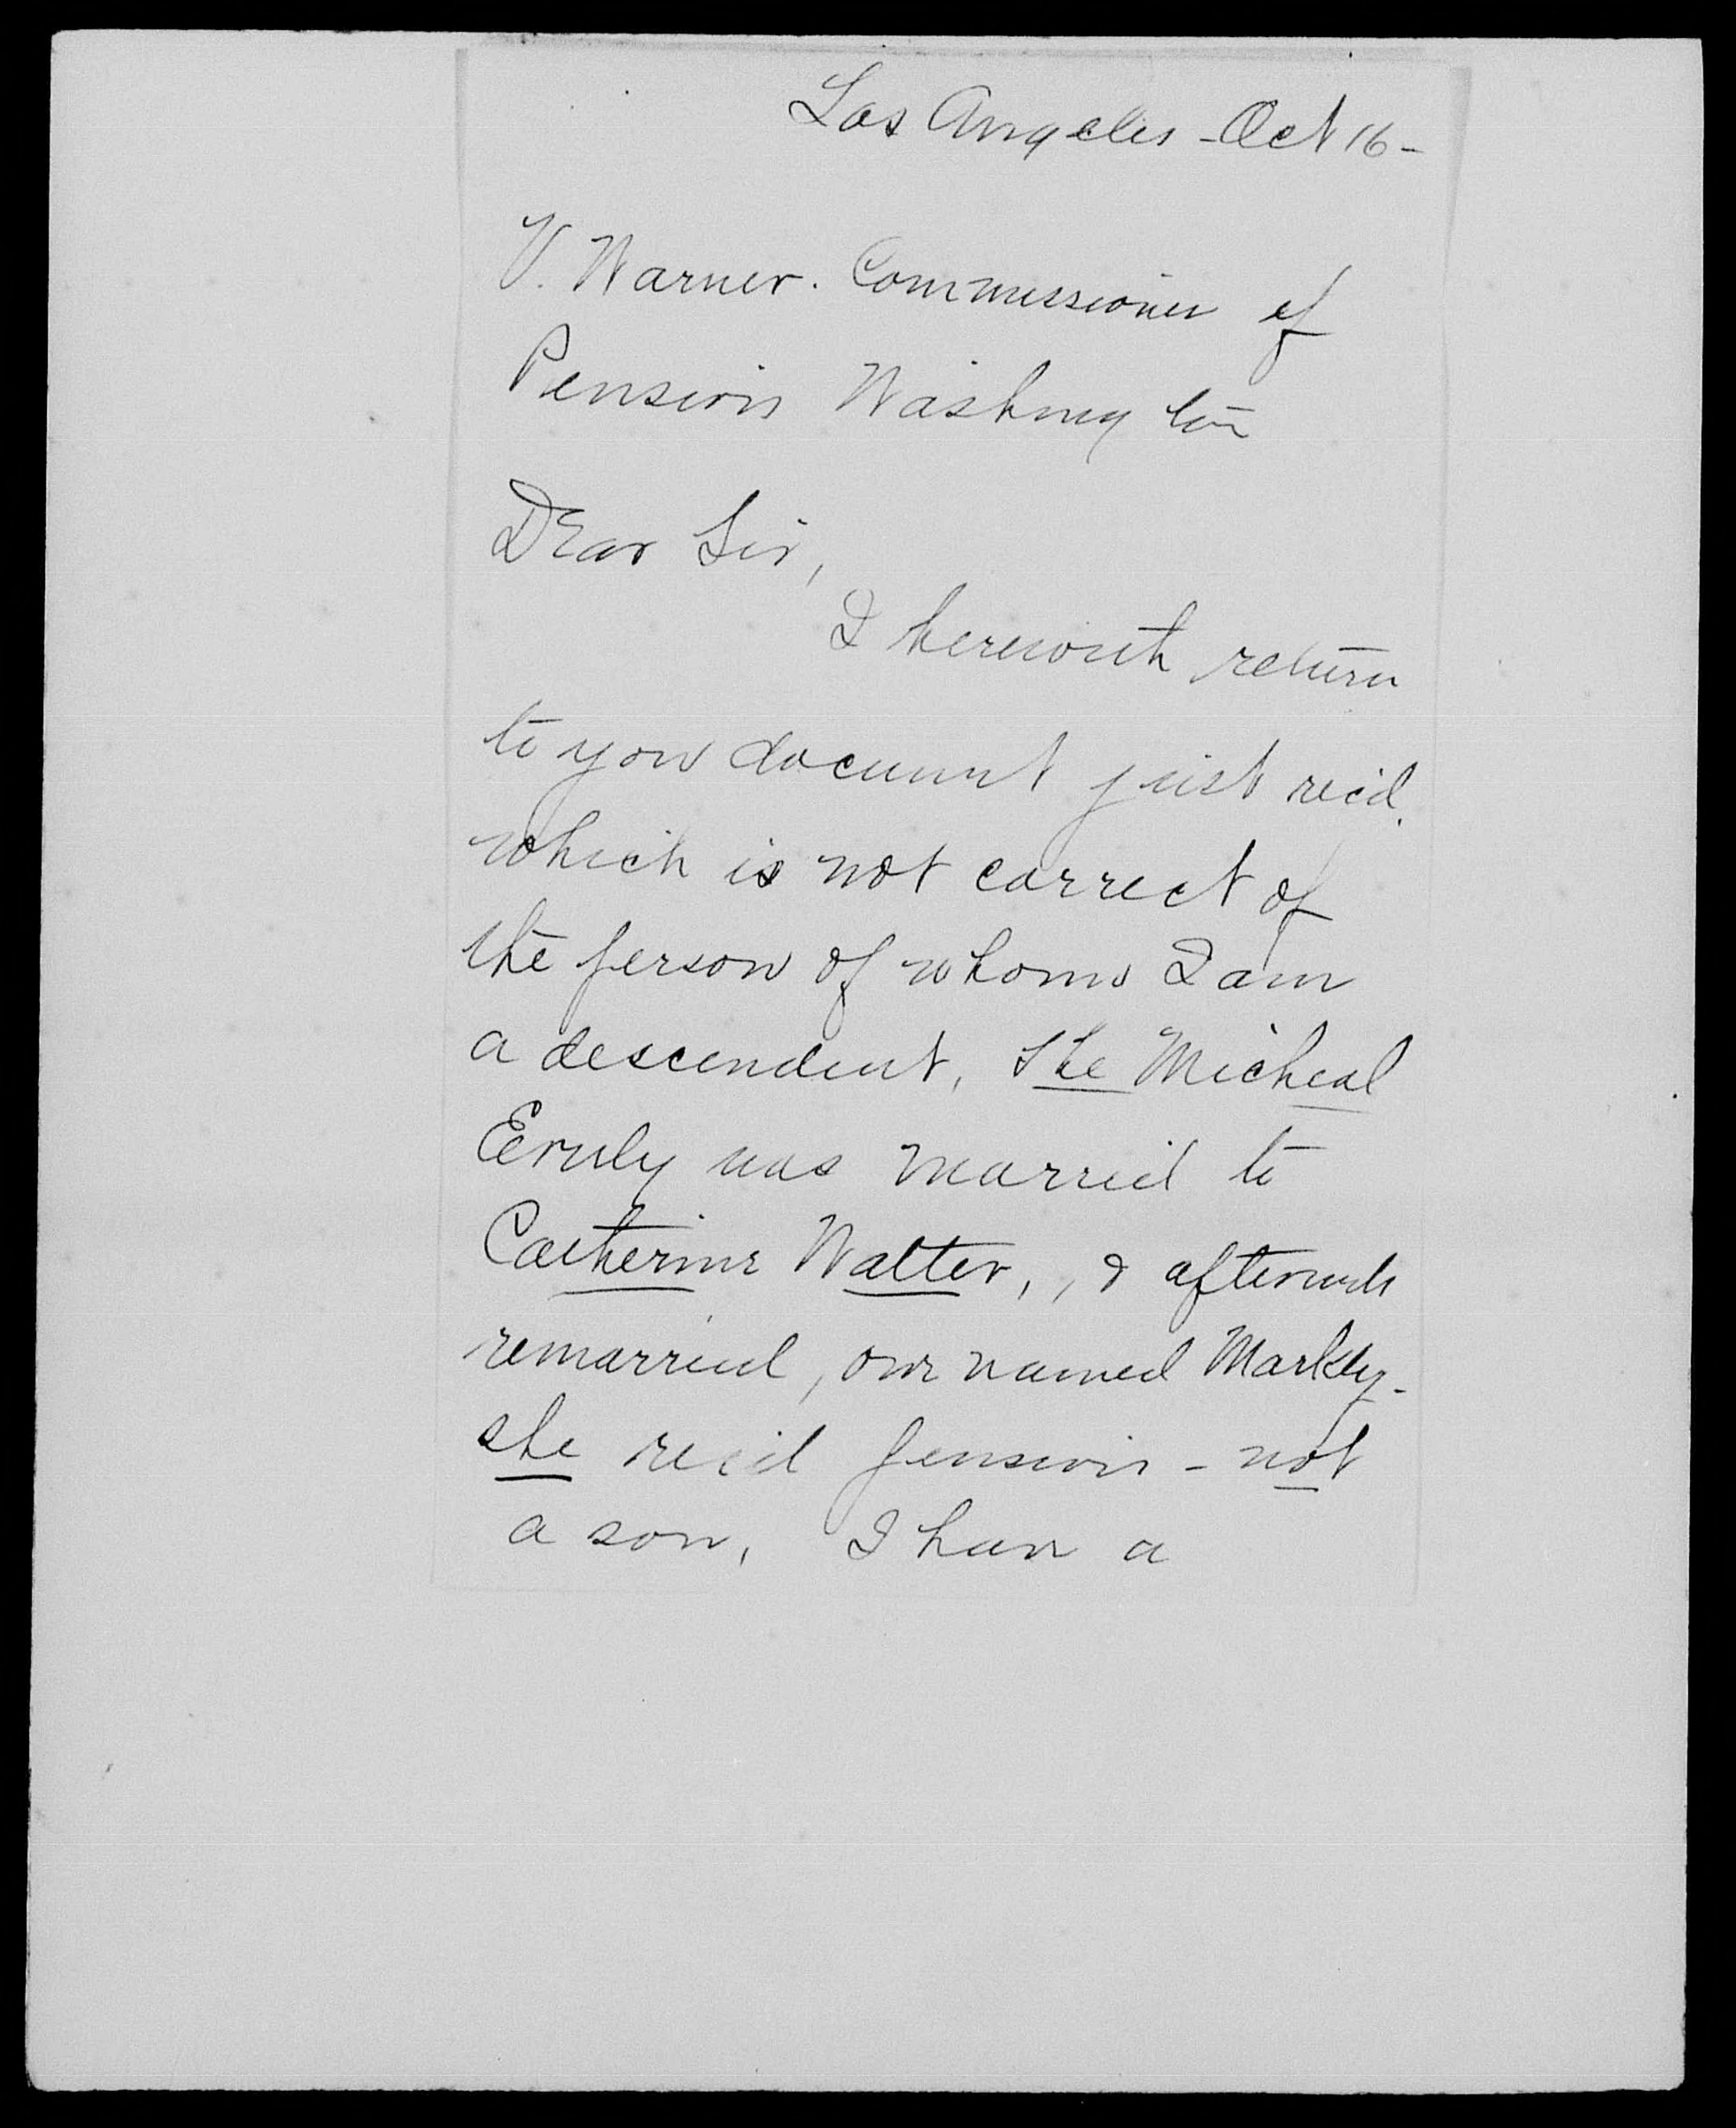Los Angeles Oct 16 -https://catalog.archives.gov/images/misc/drag.png
V. Warner Commissioner of
Pension Washington
Dear Sir
I herewith return to you document just recd
which is not correct of the person of whom I am
a descendent, The Micheal Ernly was marriedto
Catherine Walter, & after will remarried, our named Markley the said pension, not
-
a son,
I have a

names: V Warner, Micheal Everly, Markly, Catherine Walter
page: 25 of 31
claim: widow's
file: W. 4537, Michael Everly, Penn